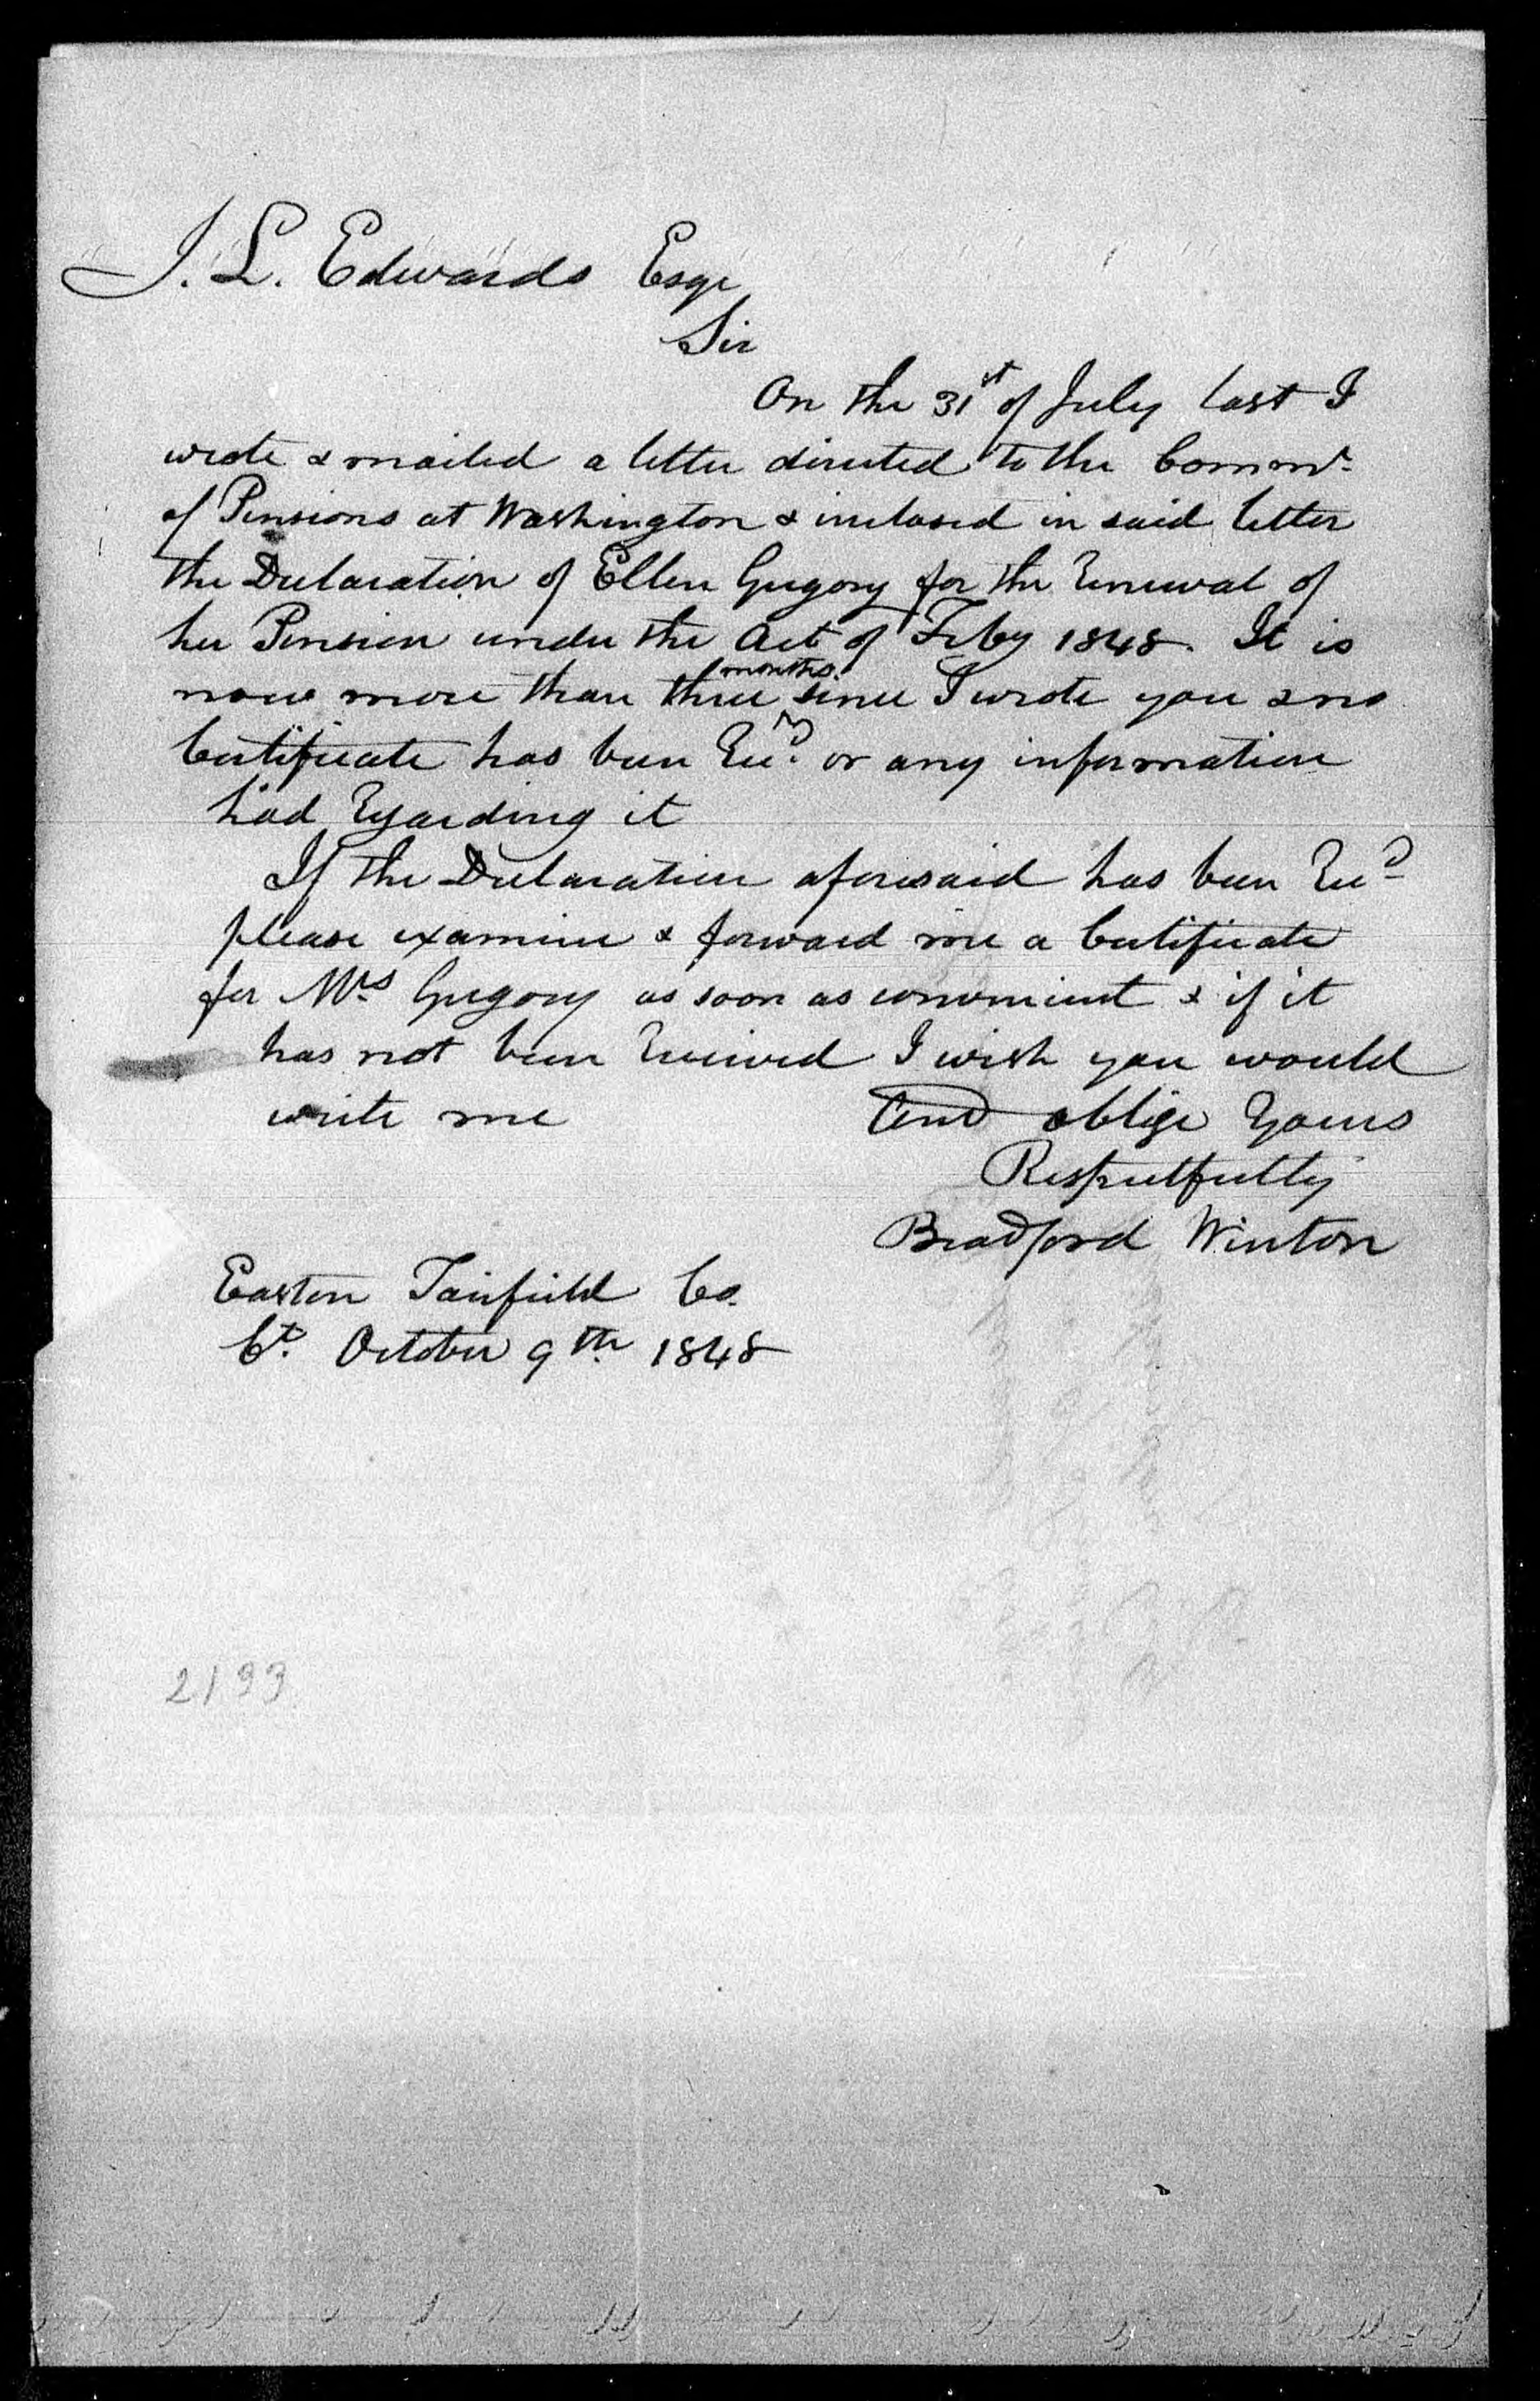J.L. Edwards Esqr
                        Sir
                           On the 31st of July last I
wrote & mailed a letter directed to the Commr. of Pensions at Washington & inclosed [sic] in said letter the Declaration of Ellen Gregory for the Renewal of her Pension under the Act of Feby 1848.  It is now more than three months [last word inserted] since I wrote you [illegible] Certificate has been Recd or any information had Regarding it

   If the Declaration aforesaid has been Recd please examine & forward me a Certificate for Mrs. Gregory as soon as convenient & if it has not been received I wish you would write me
                                   And oblige Yours
                                       Respectfully
                                   Bradford Winton
Easton Fairfield Co.
Ct. October 9th 1848



2133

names: J L Edwards, Bradford Winton, Ellen Gregory, Gregory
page: 35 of 49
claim: widow's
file: W 24308, Josiah Gregory, Conn.